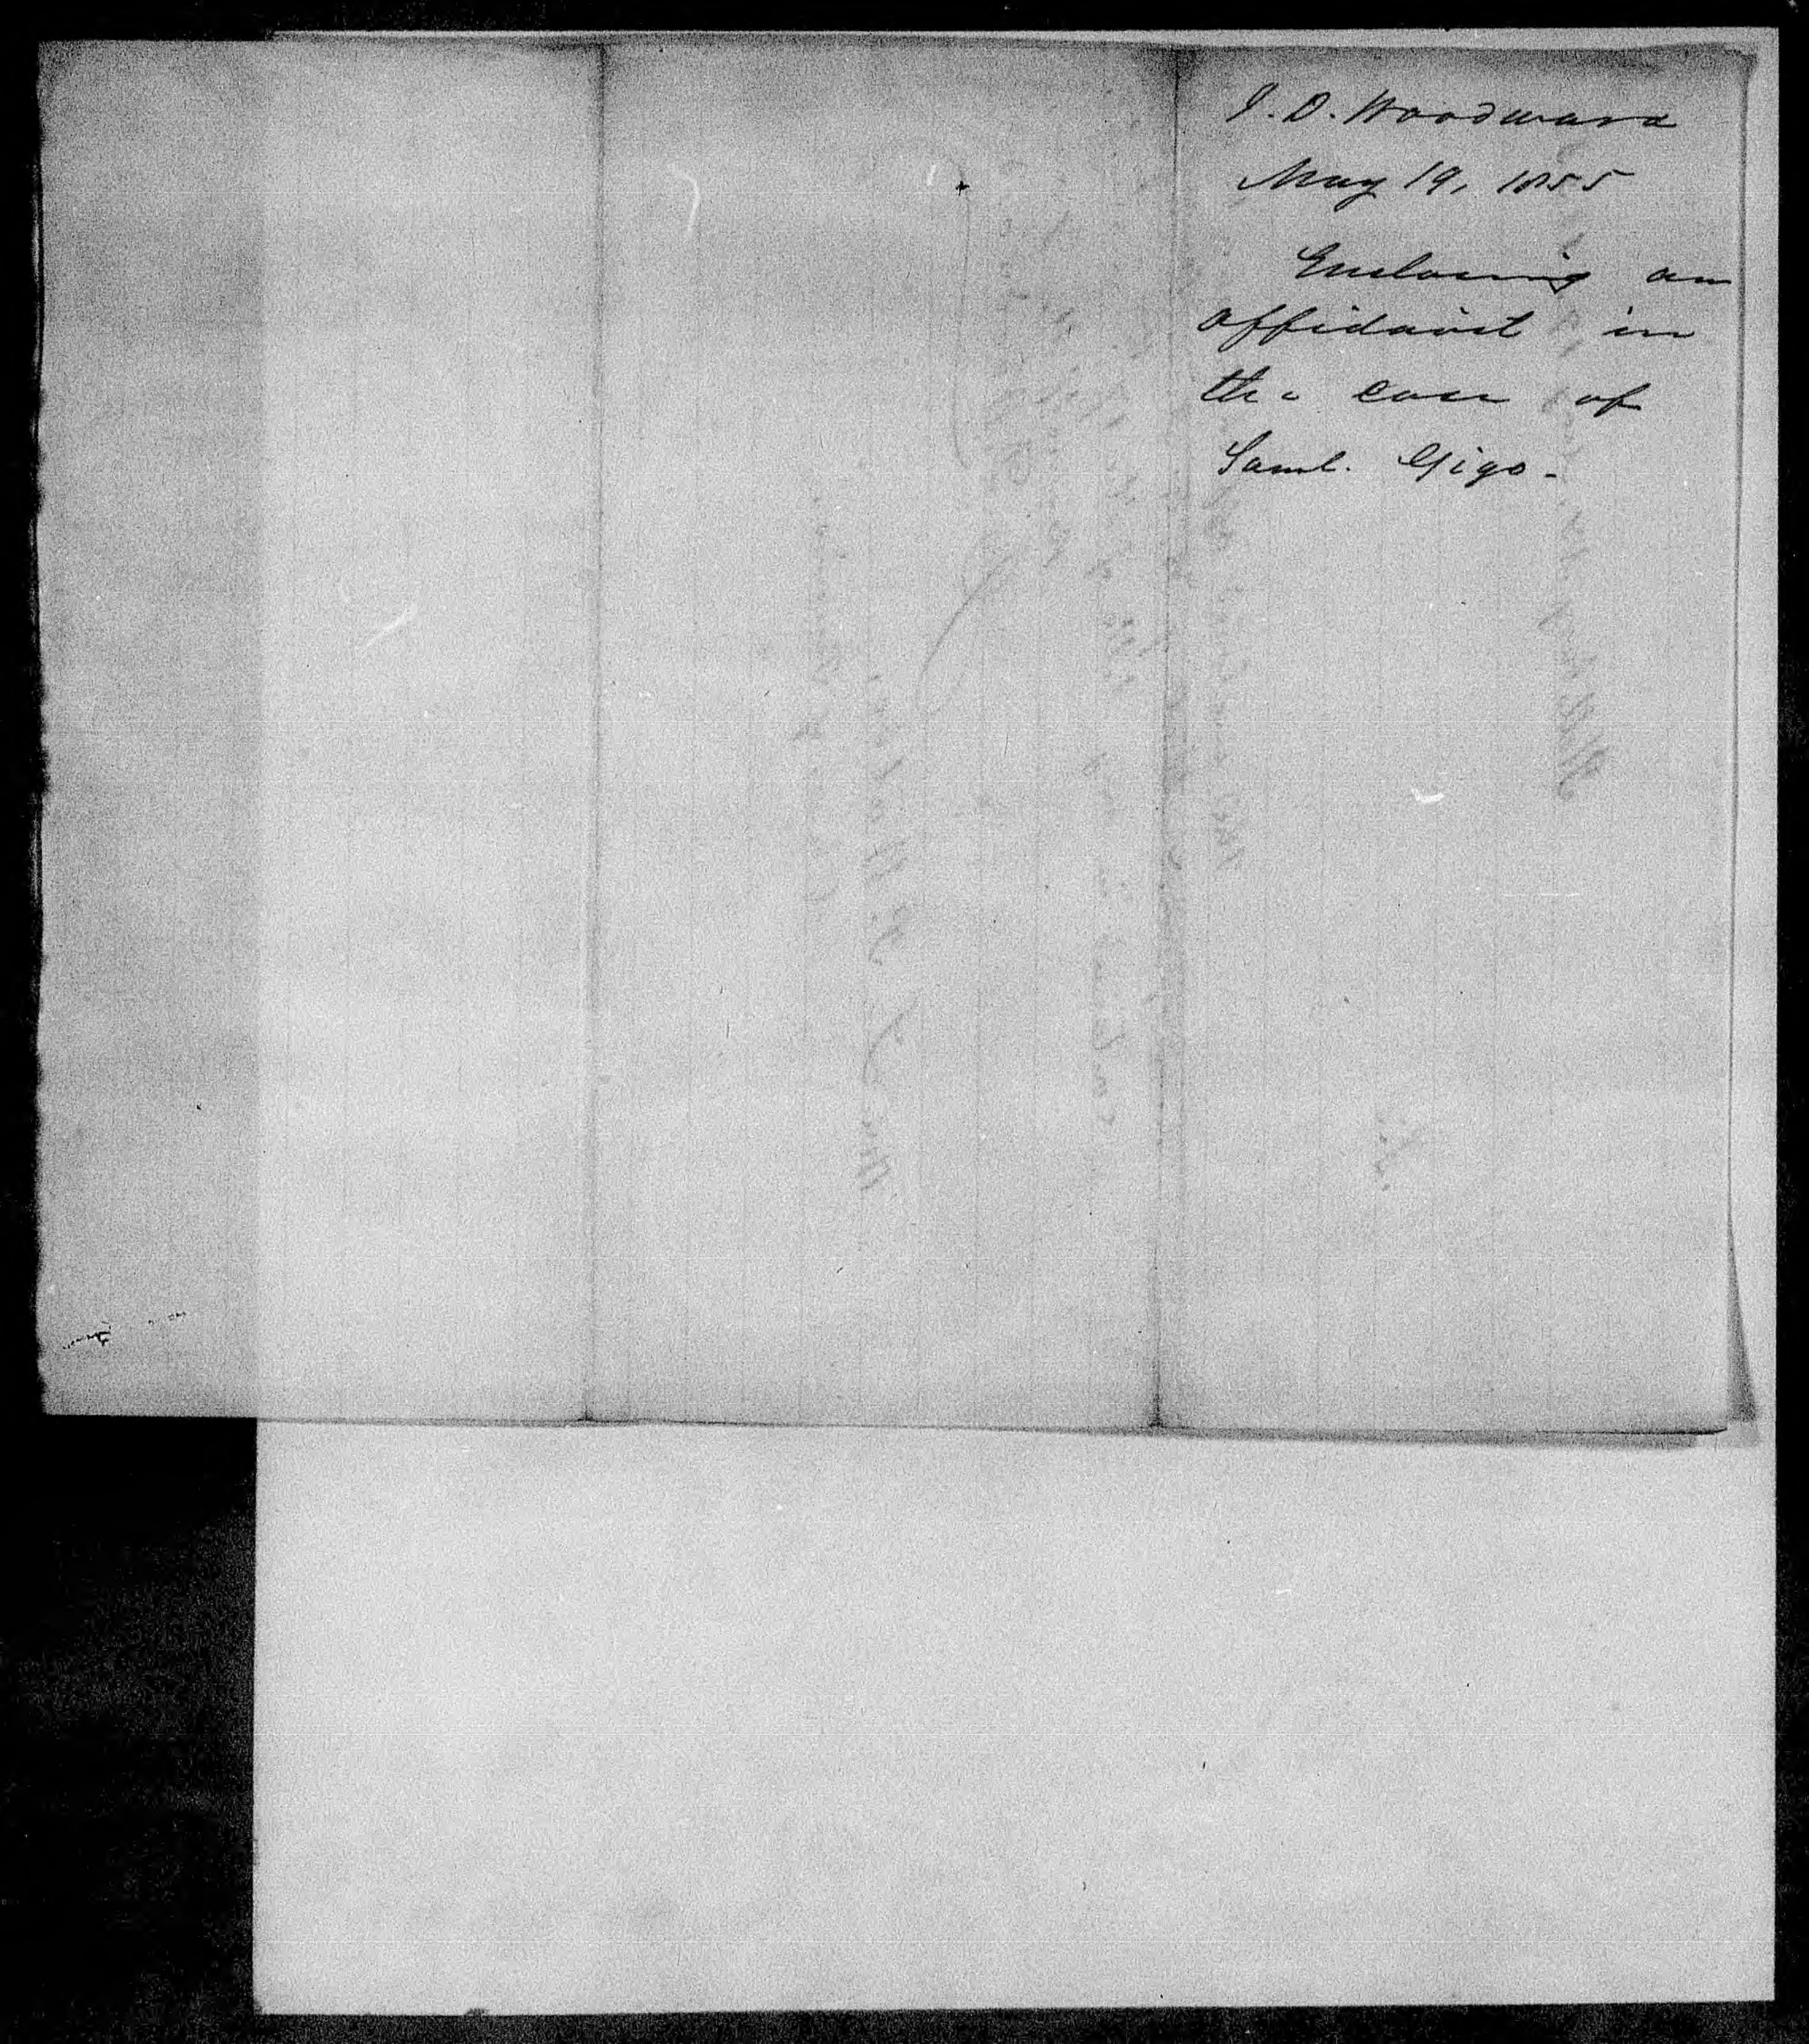J. D. Woodward
May 19, 1855
Enclosing an affidavit in the case of Saml. Gigo.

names: Saml Gigo, J D Woodward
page: 80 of 98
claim: widow's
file: W. 21182, Francis Gigo, Continental (Canadian)